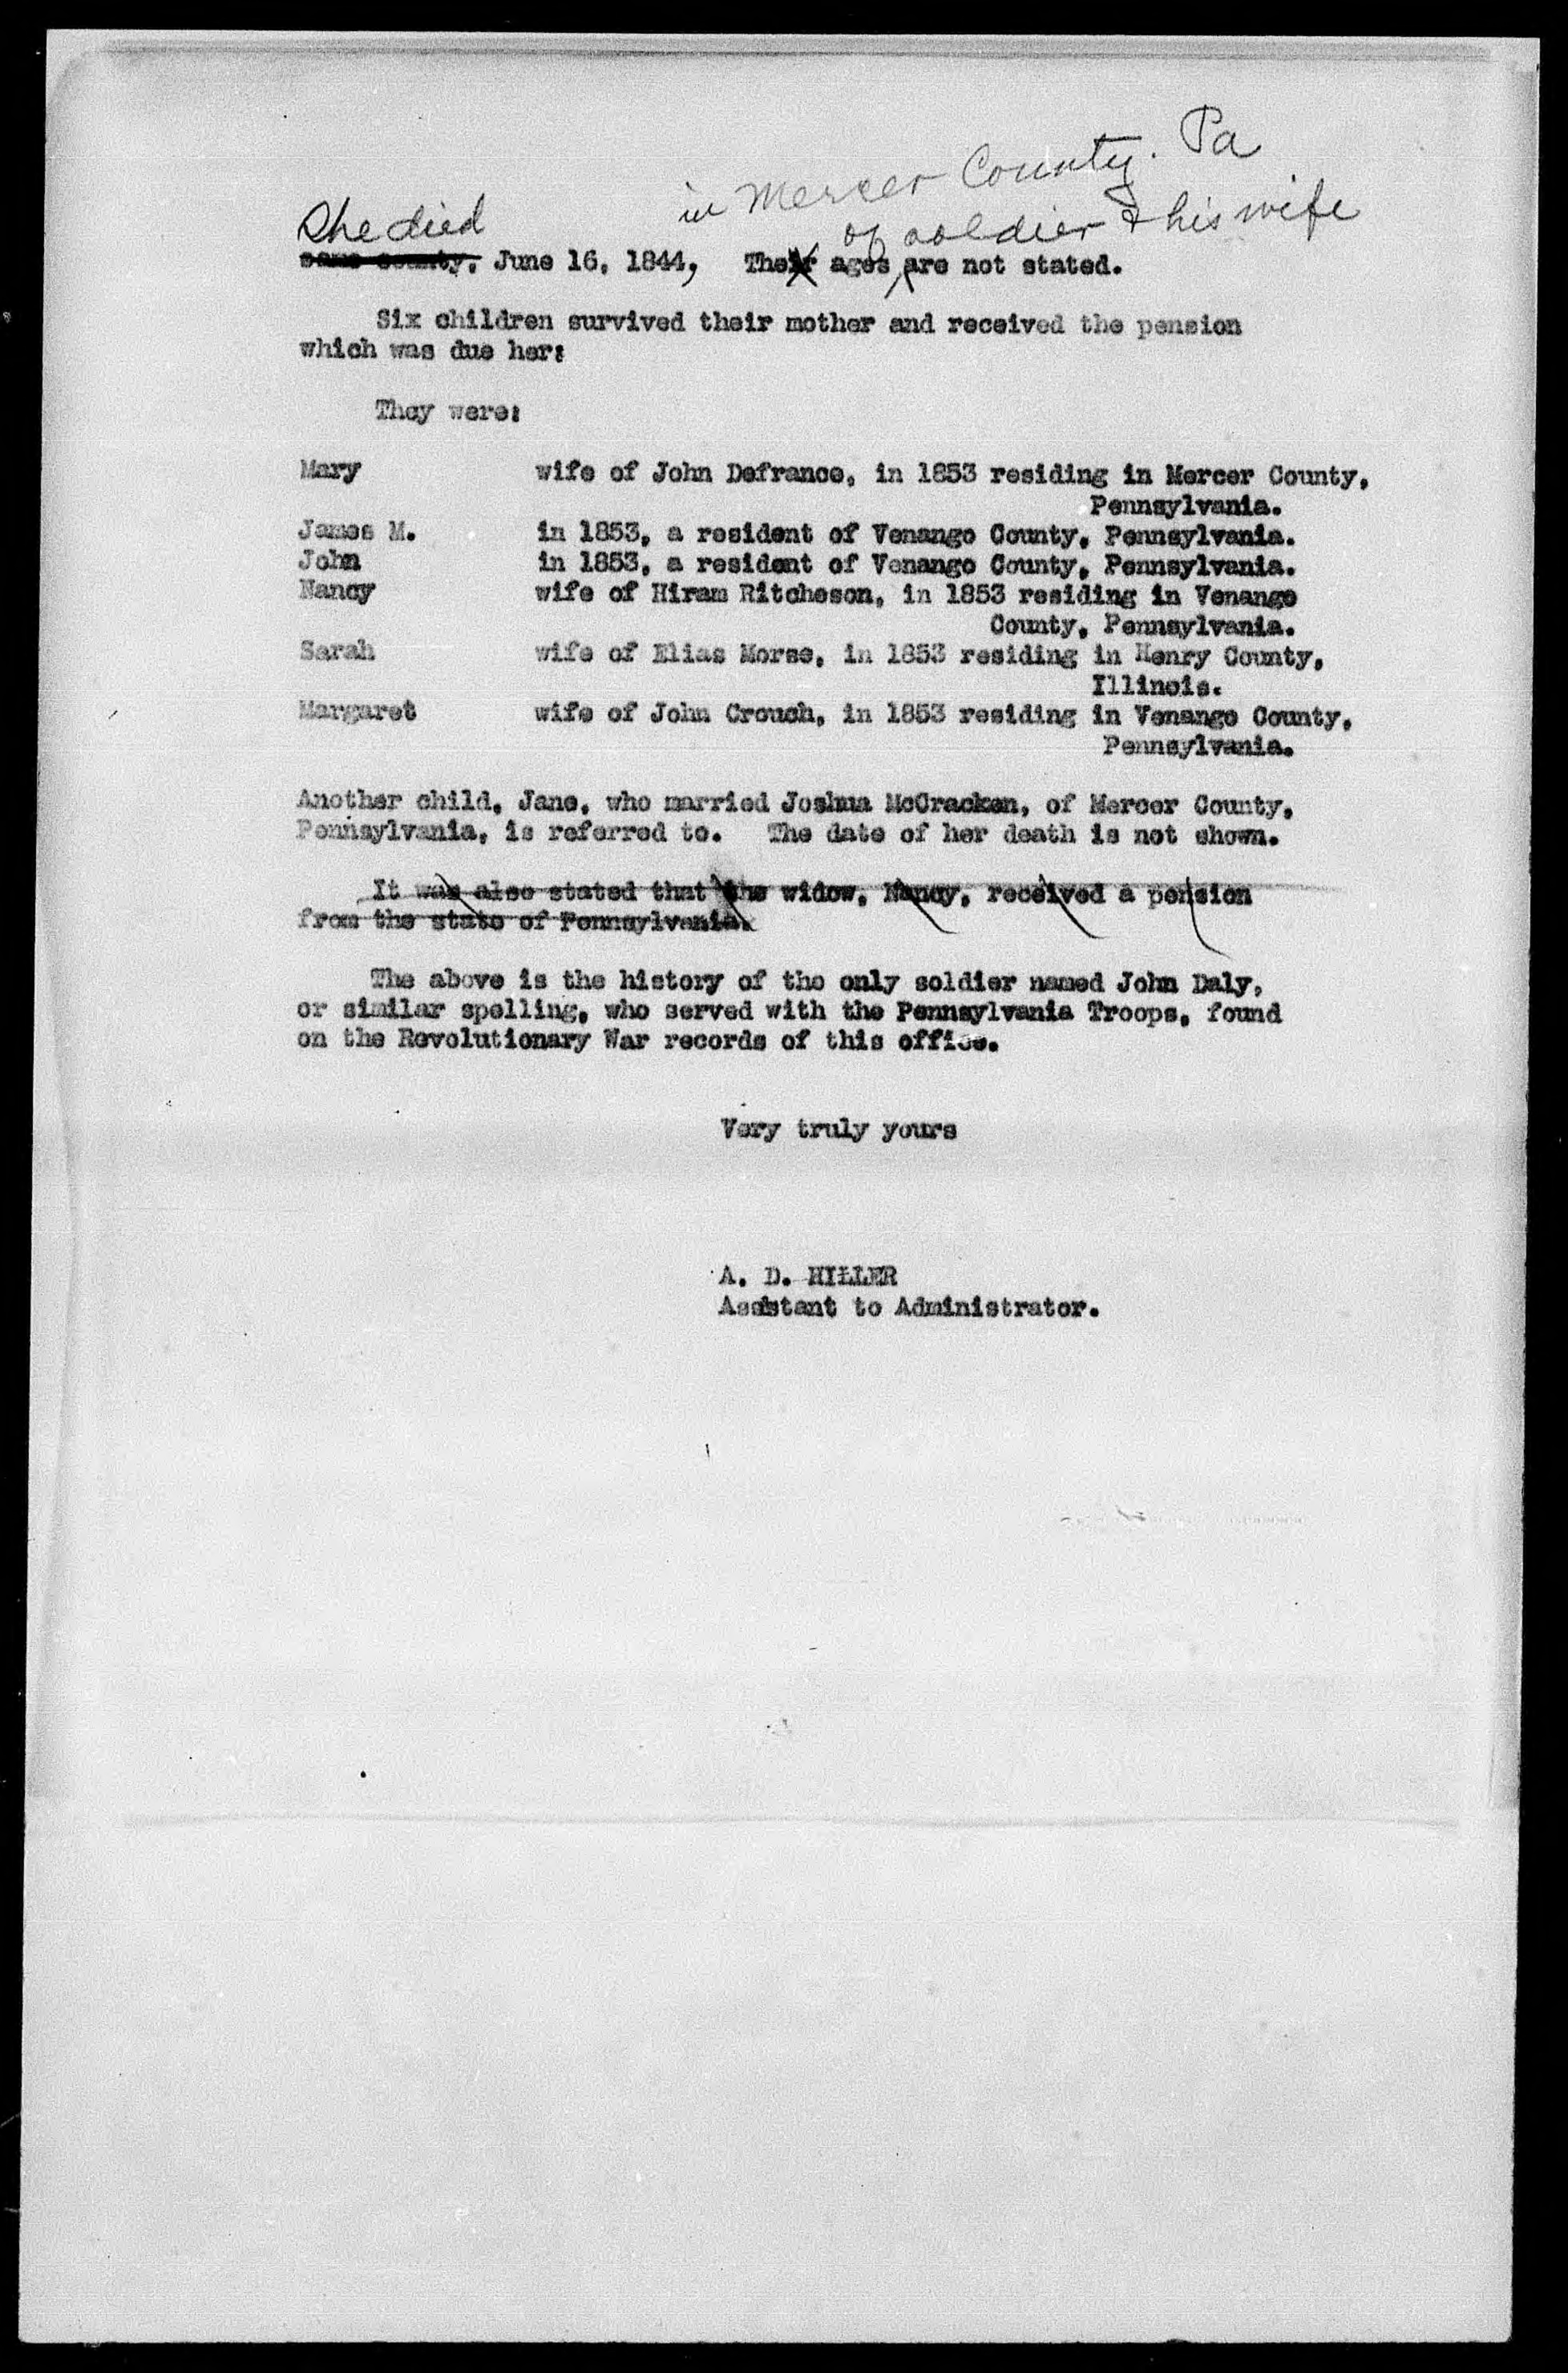[pg 2 of 2]

she died, June 16, 1844, in Mercer County, Pa. The ages of soldier & his wife are not stated.

Six children survived their mother and received the pension which was due her:

They were:

Mary     wife of John Defrance, in 1853 residing in Mercer County, Pennsylvania.
James M.     in 1853, a resident of Venango County, Pennsylvania.
John     in 1853, a resident of Venango County, Pennsylvania.
Nancy     wife of Hiram Ritcheson, in 1853 residing in Venango County, Pennsylvania.
Sarah     wife of Elias Morse, in 1853 residing in Henry County, Illinois.
Margaret      wife of John Crouch, in 1853 residing in Venango County, Pennsylvania.

Another child, Jane, who married Joshua McCracken, of Mercer County, Pennsylvania, is referred to. The date of her death is not shown.

[crossed out]
It was also stated that the widow, Nancy, received a pension from the state of Pennsylvania.

The above is the history of the only soldier named John Daly, or similar spelling, who served with the Pennsylvania Troops, found on the Revolutionary War records of this office.

Very truly yours

A. D. HILLER
Assistant to Administrator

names: A D Hiller, John Daly, Joshua Mc Cracken, Mary, Sarah, Margaret, Jane, John Defrance, Hiram Ritcheson, John Crouch, Nancy, James M, Nancy, Elias Morse, John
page: 61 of 63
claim: widow's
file: W. 3228, John Daly, Penn.